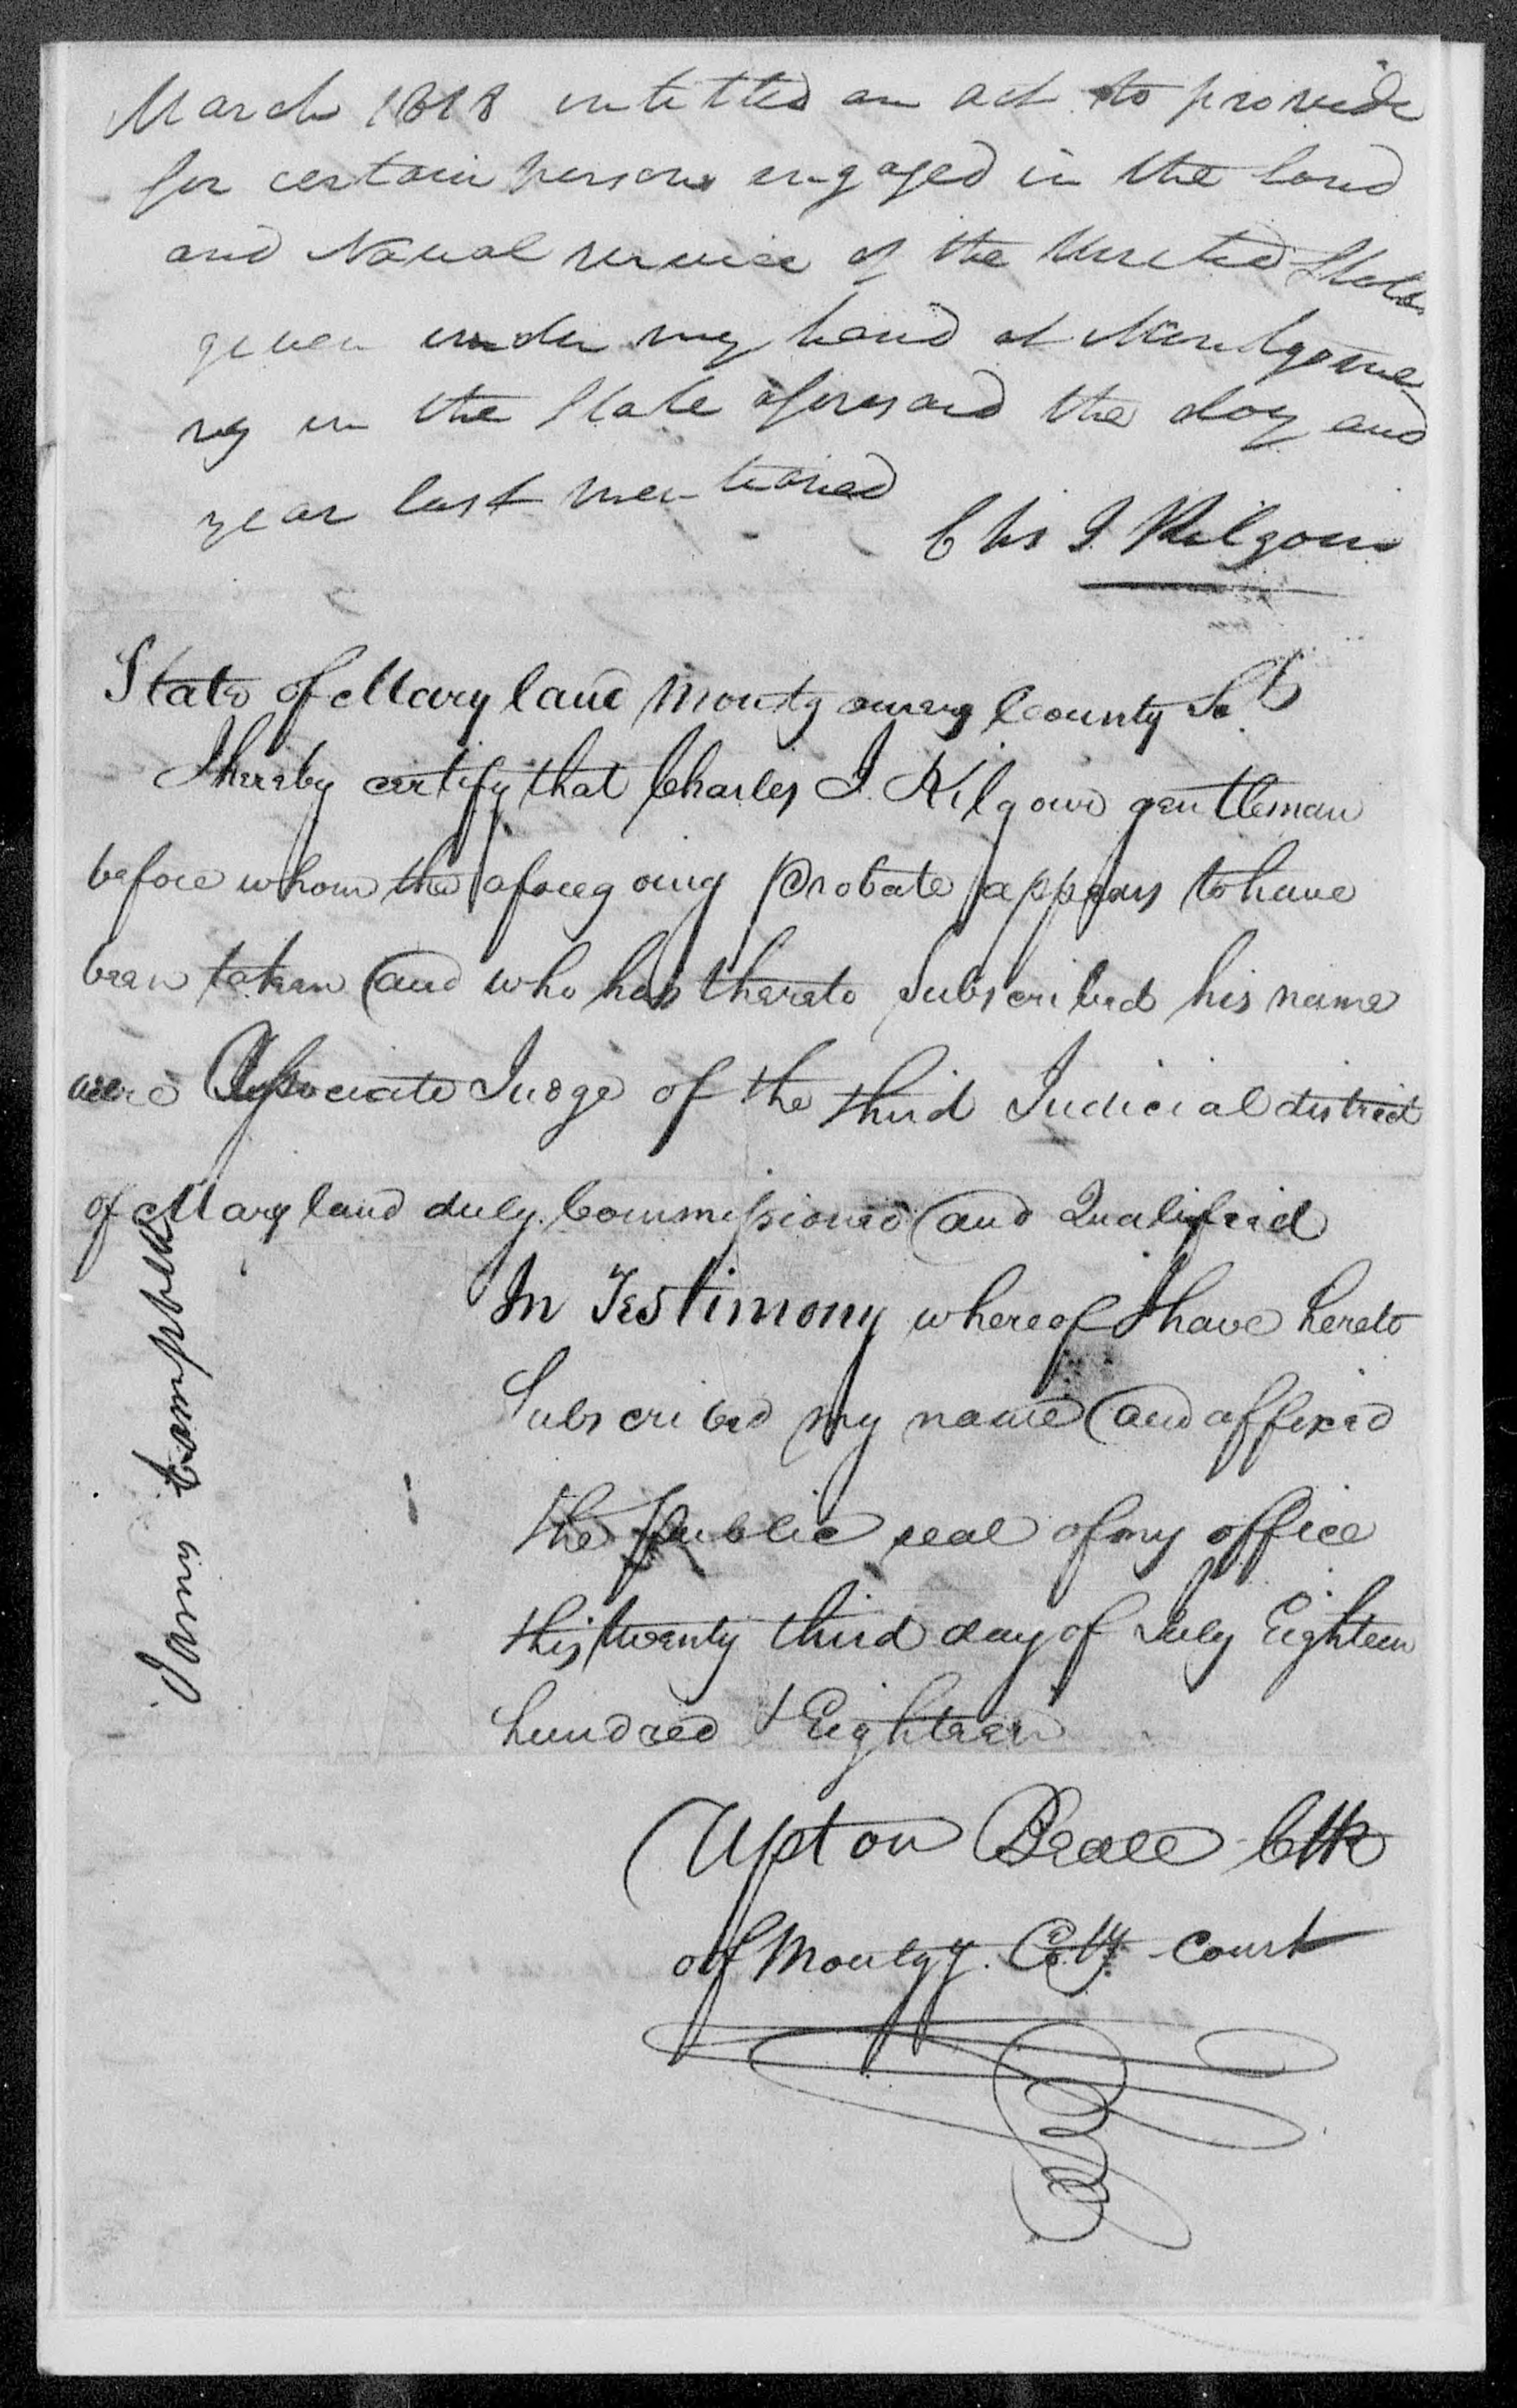March 1818 untitled an act to proceed for certain persons engaged in the land and service of the United States, given under my hand at Montgomery in the state aforesaid the day and year last mentioned
Chs J Kilgour

State of Maryland Montgomery County [illegible]
I hereby certify that Charles J. Kilgour gentleman before whom the aforegoing probate appears to have taken and who has thereto subscribed his name [illegible] Associate Judge of the third Judicial district of Maryland duly Commissioned and Qualified
In testimony whereof I have here subscribed my name and affixed the Public seal of my office this twenty third day of July Eighteen hundred & Eighteen
Upton Beale Clk
of Montgy. Cty. Court

[Written Vertically] James Campbell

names: Chs J Kilgour, Charles J Kilgour, James Campbell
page: 4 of 47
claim: widow's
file: W. 25384, James Campbell, Va.